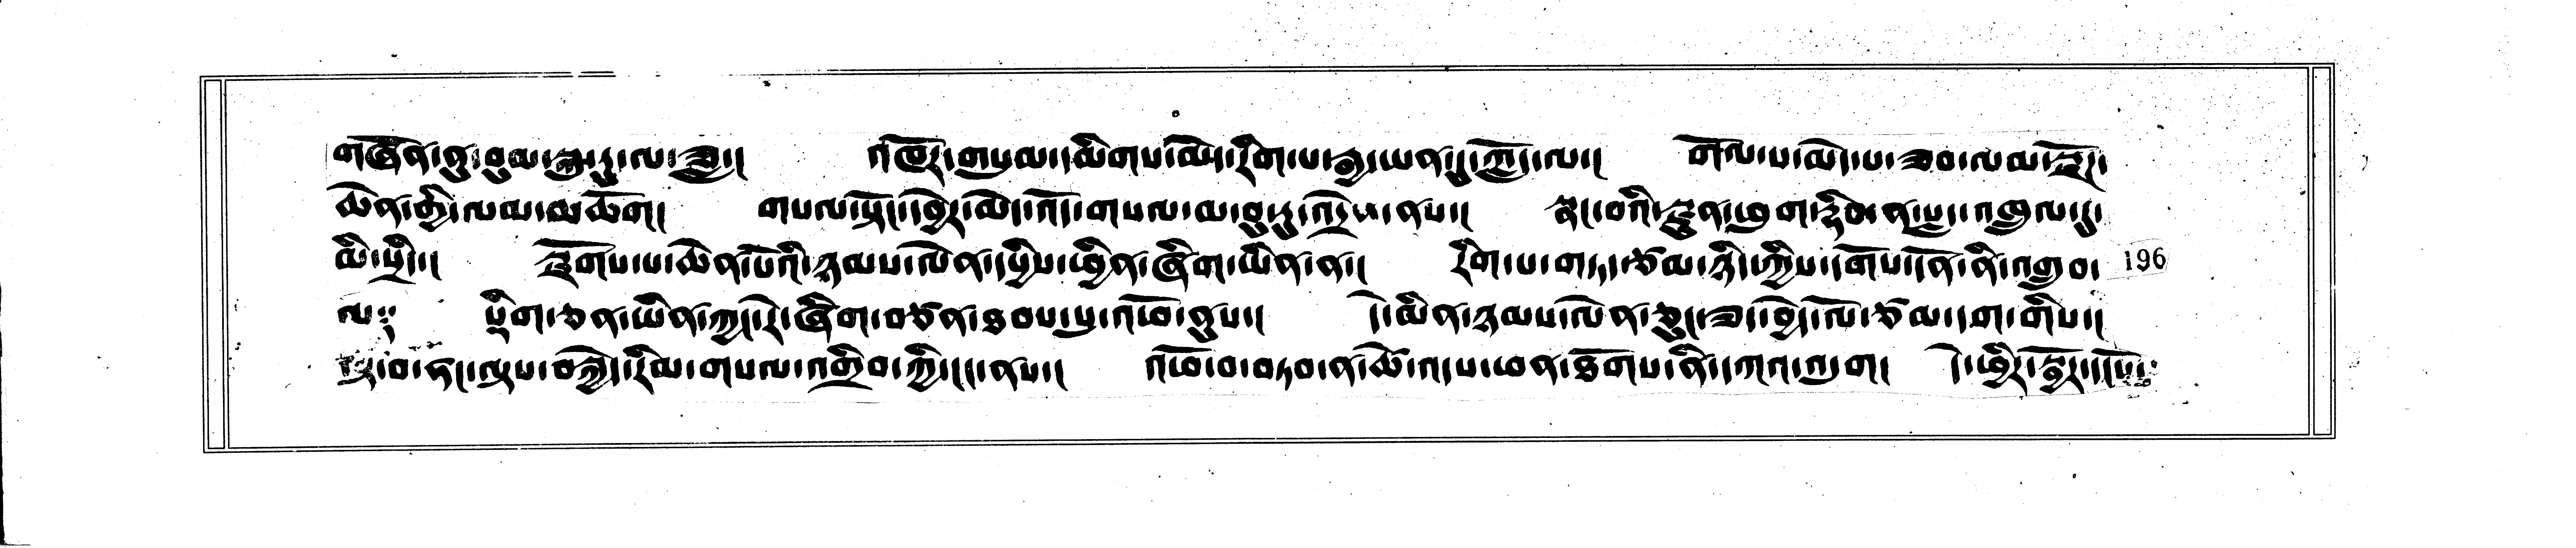གཞོན་ནུ་བུམ་སྐུ་རུ་ལ་བཟླ། །འཁོར་གསུམ་དམིགས་མེད་རིག་པ་རྒྱ་ཡན་དུ་ཀློད་ལ། །གོལ་ས་མེད་པ་ཟབ་ལམ་རྫོགས་
ཆེན་གྱི་ལམ་མཆོག །གསལ་སྟོང་དབྱེར་མེད་འོད་གསལ་མ་བུ་རུ་འདྲེས་ནས། །སྣང་བའི་རྫུན་ཕུག་རྡིབ་ན་སླད་འཁྲུལ་དུ་
མི་སྲིད། །རྫོགས་པ་ཆེན་པོའི་ཉམས་ལེན་དཔྱིས་ཕྱིན་ཞིག་ཡིན་ན། །རིག་པ་གཏད་ཙམ་ཉིད་ཀྱིས་དགོས་དོན་ནི་འགྲུབ་
ལ། །སྡིག་ཅན་ཡིན་ཀྱང་རེ་ཞིག་བཙན་ཐབས་སུ་འཕོ་ནུས། །དེ་མིན་ཉམས་ལེན་ཅུང་ཟད་བྱེད་ལོ་ཙམ་དག་གིས། །
ལྟ་བ་སྣང་བལྟས་བསྐྱེད་རིམ་གསལ་འགྲིབ་ཀྱི་ངང་ནས། །འཕོ་བ་བཏབ་ན་ཚེ་འདས་ཕན་ཐོགས་ནི་དཀའ་འདུག །དེ་ཕྱིར་སྦྱོར་དངོས་